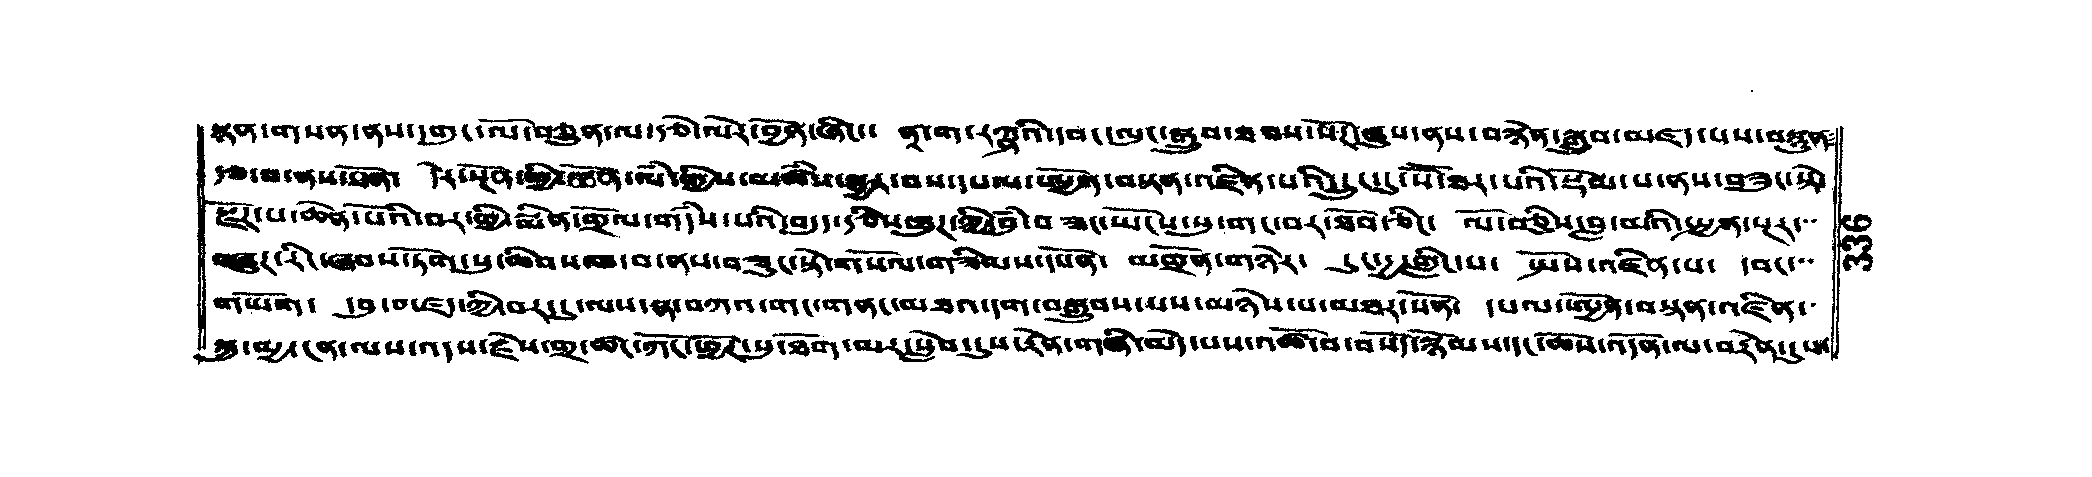སྙན་གསན་ནས་དགུང་ལོ་བཅ་བདུན་ལ་རྩེ་ལེར་བྱོན་ཞིང་། ནཱ་ག་རཀྴའི་དབང་ལུང་སྒྲུབ་ཐབས་སོགས་ཞུས་ནས་བསྙེན་སྒྲུབ་མཛད་པས་བསྙུན་
རྩ་བ་ནས་ཐོན། དེར་སྔོན་གྱི་སྨོན་ལམ་གྱིས་མཚམས་སྦྱར་བས་དཔལ་ཨོ་རྒྱན་བསྟན་འཛིན་པའི་དྲུང་དུ་སོ་སོ་ཐར་པའི་སྡོམ་པ་ནས་བཟུང་སྟེ་
རྫོགས་པ་ཆེན་པོའི་བར་གྱི་སྨིན་གྲོལ་གདམས་པའི་བདུད་རྩིས་ཐུགས་ཀྱི་བུམ་བཟང་ཡོངས་སུ་གང་བར་ཐོབ་ཅིང་། ལོ་བཅུ་གཉིས་བླ་མའི་སྤྱན་སྔར་
བཞུགས་རིང་ཞབས་ཏོགས་སུ་ཆིབས་ཁ་བ་ནས་བཟུང་སྟེ་གསོལ་གཟིམས་དཔོན། མགྲོན་གཉེར། དུང་རྒྱ་གླིང་པ། སྤོས་འཛིན་པ། དབང་
གཡོག དབུ་མཛད་ཀྱི་བར་དུ་ལས་སྣ་བཀའ་གང་གནང་མཐའ་དག་བསྒྲུབས་པས་མཉེས་པ་མཐར་སོན། དཔལ་ཨོ་རྒྱན་བསྟན་འཛིན་
སྐུ་མྱ་ངན་ལས་འདས་རྗེས་གྲྭ་ཚང་ཀོང་ཕྱོགས་སུ་ཐོག་མར་སླེབ་དུས་རྟེན་གཞི་མེད་པས་འཚོ་བ་བསོད་སྙོམས་དང་ཆོས་འདོན་ལ་བརྟེན་དུས་